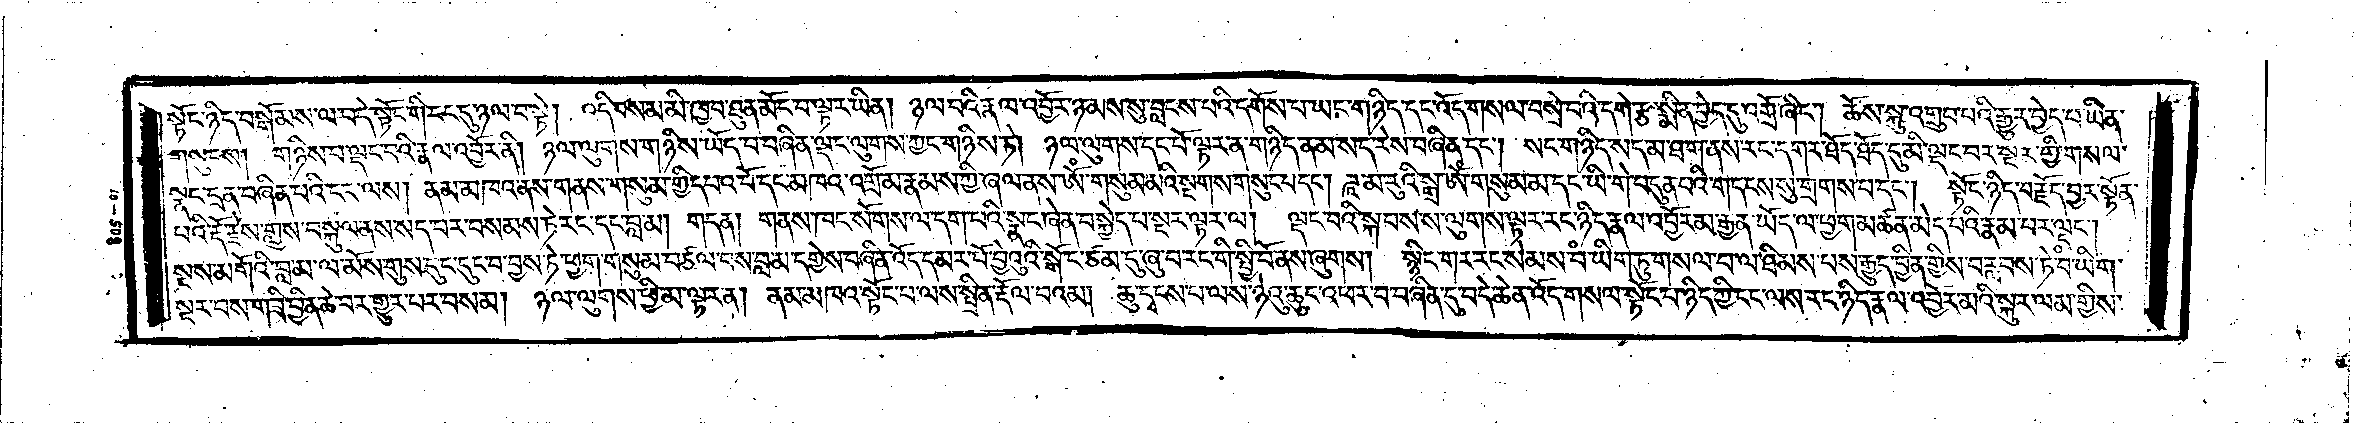སྟོང་ཉིད་བསྒོམས་ལ་བདེ་སྟོང་གི་ངང་དུ་ཉལ་བ་སྟེ། འདི་བསམ་མི་ཁྱབ་ཐུན་མོང་བ་ལྟར་ཡིན། ཉལ་བའི་རྣལ་འབྱོར་ཉམས་སུ་བླངས་བའི་དགོས་པ་ཡང་གཉིད་དང་འོད་གསལ་བསྲེ་བའི་དགེ་རྩ་སྨིན་བྱེད་དུ་འགྲོ་ཞིང་། ཆོས་སྐུ་འགྲུབ་པའི་རྒྱུར་བྱེད་པ་ཡིན་
གསུངས། གཉིས་པ་ལྡང་བའི་རྣལ་འབྱོར་ནི། ཉལ་ལུགས་གཉིས་ཡོད་པ་བཞིན་ལྡང་ལུགས་ཀྱང་གཉིས་ཏེ། ཉལ་ལུགས་དང་པོ་ལྟར་ན་གཉིད་ནམ་སད་རེས་བཞིན་དང་། སང་གཉིད་སད་མ་ཐག་ནས་རང་དགར་ཐོད་ཐོད་དུ་མི་ལྡན་བར་སྔར་གྱི་གསལ་
སྣང་དྲན་བཞིན་པའི་ངང་ལས། ནམ་མཁའ་ནས་གནས་གསུམ་གྱི་དཔའ་བོ་དང་མཁའ་འགྲོ་མ་རྣམས་ཀྱི་ཞལ་ནས་ཨོཾ་གསུམ་མའི་སྔགས་གསུང་བ་དང་། ཌཱ་མ་རུའི་སྒྲ་ཨོཾ་གསུམ་མ་དང་ཡི་གེ་བདུན་པའི་གདངས་སུ་གྲགས་པ་དང་། སྟོང་ཉིད་བརྗོད་བྱར་སྟོན་
པའི་རྡོ་རྗེས་གླུས་བསྐུལ་ནས་སད་པར་བསམས་ཏེ་རང་དང་བླ་མ། གདན། གནས་ཁང་སོགས་ལ་དག་པའི་སྣང་ཞེན་བསྐྱེད་པ་སྔར་ལྟར་ལ། ལྡང་བའི་སྐབས་ས་ལུགས་ལྟར་རང་ཉིད་རྣལ་འབྱོར་མ་རྒྱན་ཡོང་ལ་ཕྱག་མཚན་མེད་པའི་རྣམ་མ་ལྡང་།
སྔས་མགོའི་བླ་མ་ལ་མོས་གུས་དུང་དུང་བ་བྱས་ཏེ་ཕྱག་གསུམ་བཙལ་བས་བླ་མ་དགྱེས་བཞིན་འོད་དམར་པོ་བྱེའུའི་སྒོ་ང་ཙམ་དུ་ཞུ་བ་རང་གི་སྤྱི་བོ་ནས་ཞུགས། སྙིང་གར་རང་སེམས་བཾ་ཡིག་ཏུ་གསལ་བ་ལ་ཐིམས་པས་རྒྱུད་བྱིན་གྱིས་བརླབས་ཏེ་བཾ་ཡིག་
སྔར་བས་གཟི་བྱིན་ཆེ་བར་གྱུར་པར་བསམ། ཉལ་ལུགས་ཕྱི་མ་ལྟར་ན། ནམ་མཁའ་སྟོང་པ་ལས་སྤྲིན་རྡོལ་བའམ། ཆུ་དྭངས་པ་ལས་ཉེའུ་ཆུང་འཕར་བ་བཞིན་དུ་བདེ་ཆེན་འོད་གསལ་སྟོང་པ་ཉིད་ཀྱི་ངང་ལས་རང་ཉིད་རྣལ་འབྱོར་མའི་སྐུར་ལམ་གྱིས་